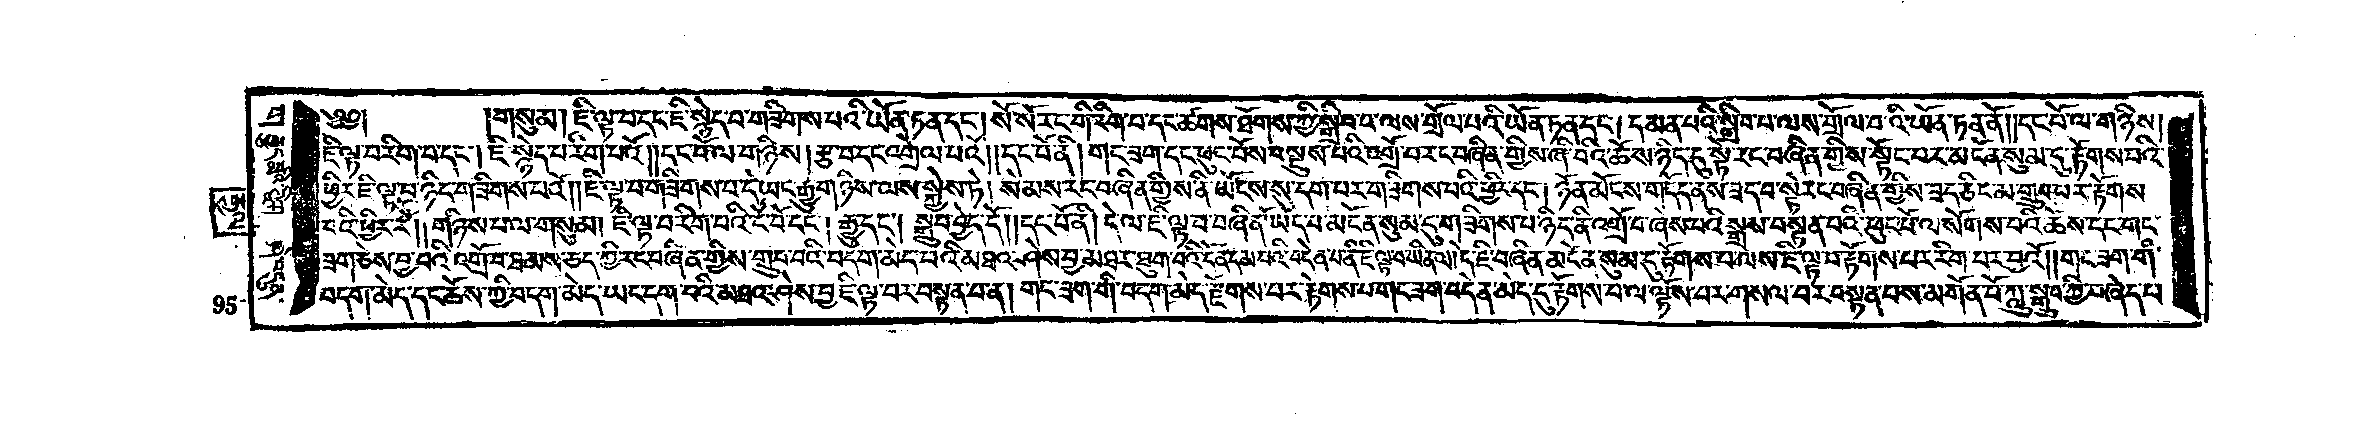༄༅། །གསུམ། ཇི་ལྟ་བ་དང་ཇི་སྙེད་པ་གཟིགས་པའི་ཡོན་ཏན་དང་། སོ་སོ་རང་གི་རིག་པ་དང་ཚོགས་ཐོགས་ཀྱི་སྒྲིབ་པ་ལས་གྲོལ་བའི་ཡོན་ཏན་དང་། དམན་པའི་སྒྲིབ་པ་ལས་གྲོལ་བའི་ཡོན་ཏན་ནོ། །དང་པོ་ལ་གཉིས།
ཇི་ལྟ་བ་རིག་པ་དང་། ཇི་སྙེད་པ་རིག་པའོ། །དང་པོ་ལ་གཉིས། རྩ་བ་དང་འགྲེལ་པའོ། །དང་པོ་ནི། གང་ཟག་དང་ཕུང་པོས་བསྡུས་པའི་འགྲོ་བ་རང་བཞིན་གྱིས་ཞི་བའི་ཆོས་ཉིད་དུ་སྟེ་རང་བཞིན་གྱིས་སྟོང་པར་མངོན་སུམ་དུ་རྟོགས་པའི་
ཕྱིར་ཇི་ལྟ་བ་ཉིད་གཟིགས་པའོ། །ཇི་ལྟ་བ་གཟིགས་པ་དེ་ཡང་རྒྱུ་གཉིས་ལས་སྐྱེས་ཏེ། སེམས་རང་བཞིན་གྱིས་ནི་ཡོངས་སུ་དག་པར་གཟིགས་པའི་ཕྱིར་དང་། ཉོན་མོངས་གདོད་ནས་ཟད་པ་སྟེ་རང་བཞིན་གྱིས་ཟད་ཅིང་མ་གྲུབ་པར་རྟོགས་
པའི་ཕྱིར་རོ། །གཉིས་པ་ལ་གསུམ། ཇི་ལྟ་བ་རིག་པའི་ངོ་བོ་དང་། རྒྱུ་དང་། སྒྲུབ་བྱེད་དོ། །དང་པོ་ནི། དེ་ལ་ཇི་ལྟ་བ་བཞིན་ཡོད་པ་མངོན་སུམ་དུ་གཟིགས་པ་ཉིད་ནི་འགྲོ་བ་ཞེས་པའི་སྒྲས་བསྟན་པའི་ཕུང་པོ་ལ་སོགས་པའི་ཆོས་དང་གང་ཟག་ཅེས་བྱ་བའི་འགྲོ་བ་ཐམས་ཅད་ཀྱི་རང་བཞིན་གྱིས་གྲུབ་པའི་བདག་མེད་པའི་མཐའ་ཤེས་བྱ་མཐར་ཐུག་པའི་དོན་དམ་པའི་བདེན་པ་ནི་ཇི་ལྟ་བ་ཡིན་ལ། དེ་ཇི་བཞིན་མངོན་སུམ་དུ་རྟོགས་པ་ལས་ཇི་ལྟ་བ་རྟོགས་པར་རིག་པར་བྱའོ། །གང་ཟག་གམ་
བདག་མེད་དང་ཆོས་ཀྱི་བདག་མེད་ཡང་དག་པའི་མཐའ་ཤེས་བྱ་ཇི་ལྟ་བར་བསྟན་པ་ན། གང་ཟག་གི་བདག་མེད་རྫོགས་པར་རྟོགས་པ་གང་ཟག་བདེན་མེད་དུ་རྟོགས་པ་ལ་ལྟོས་པར་གསལ་བར་བསྟན་པས་མགོན་པོ་ཀླུ་སྒྲུབ་ཀྱི་བཞེད་པ་